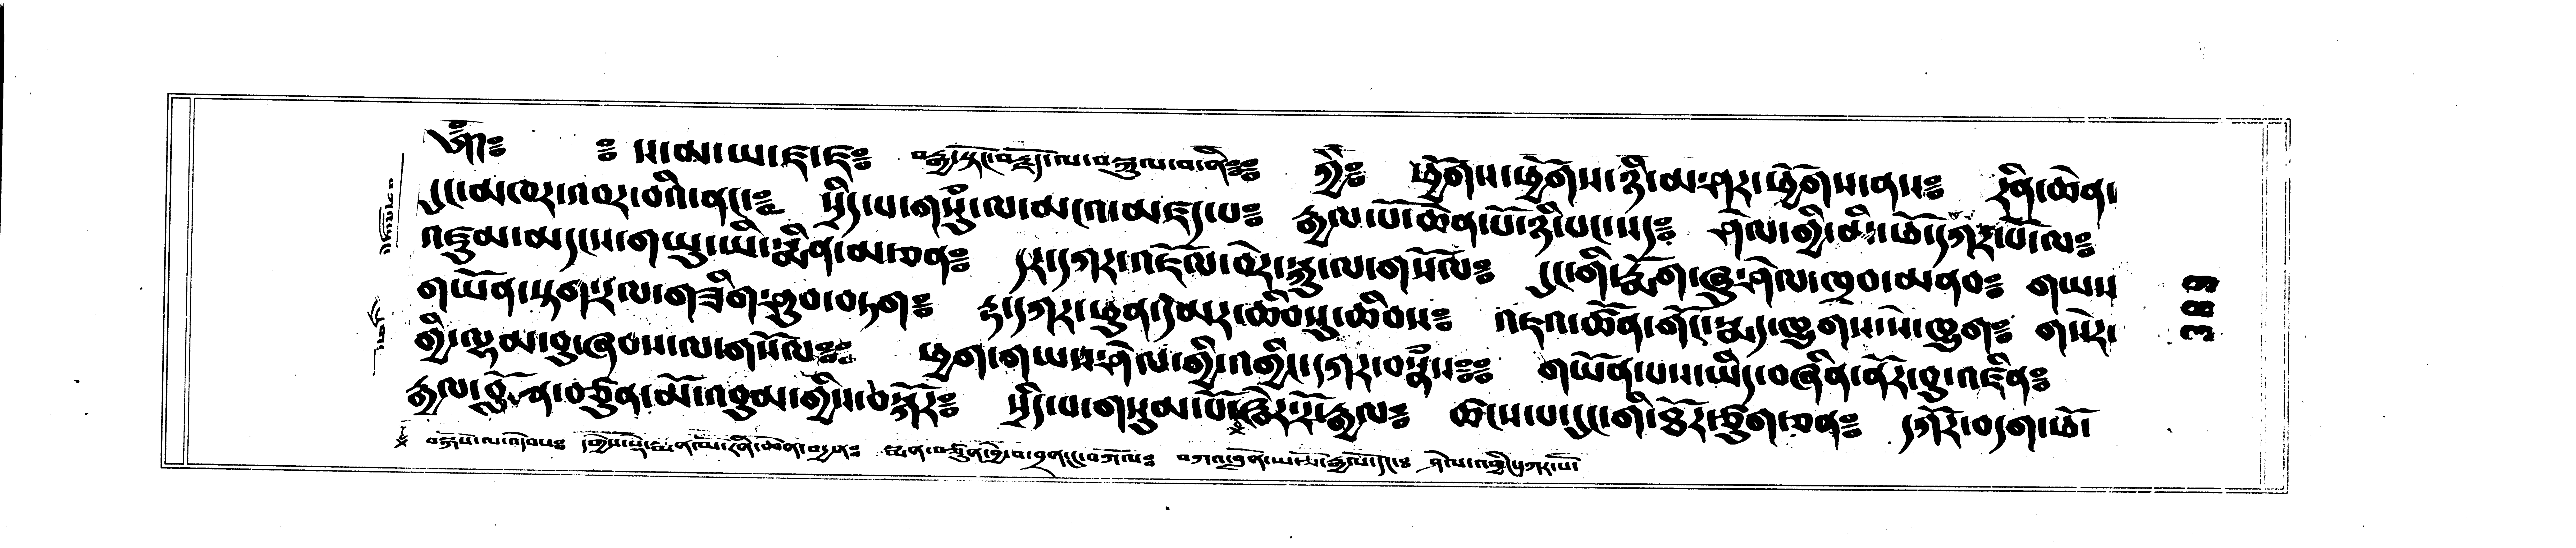༔ས་མ་ཡ་ཛ་ཛ༔ བརྒྱ་སྟོང་བརྗོད་ལ་བསྐུལ་བ་ནི༔༔ ཀྱཻ༔ ཕྱོགས་ཕྱོགས་ཉི་མ་ཤར་ཕྱོགས་ནས༔ རིན་ཆེན་
དུང་མཁར་འབར་བའི་ནང་༔ སྲིད་པ་གསུམ་ལ་མངའ་མཛད་པ༔ རྒྱལ་པོ་ཆེན་པོ་ཉི་པང་སད༔ ཤེལ་གྱི་མི་ཕོ་དཀར་པོ་ལ༔ 
འཛུམ་མདངས་གཡུ་ཡི་སྨིན་མ་ཅན༔ དར་དཀར་འཇོལ་བེར་སྐུ་ལ་གསོལ༔ དུང་གི་རྨོག་ཞུ་ཤེལ་ཁབ་མནབས༔ གཡས་
གཡོན་སྟག་རལ་གཟིག་ཤུབ་བཏགས༔ རྟ་དཀར་ཕུན་དམར་ཆིབས་སུ་ཆིབས༔ འཇའ་ཚོན་གོང་སྨད་ཁྱུགས་སེ་ཁྱུག༔ གསེར་
གྱི་ལྷམ་བུ་ཞབས་ལ་གསོལ༔༔ ཕྱག་གཡས་ཤེལ་གྱི་འགྱིང་དཀར་བསྣམས༔༔ གཡོན་པས་ཡིད་བཞིན་ནོར་བུ་འཛིན༔ 
རྒྱལ་བློན་བཙུན་མོ་འབུམ་གྱིས་བསྐོར༔ སྲིད་པ་གསུམ་པོ་བསྐོས་ལ་འདེབས༔ ཚངས་པ་དུང་གི་ཐོར་ཙུག་ཅན༔ དཀོར་བདག་ཕོ་